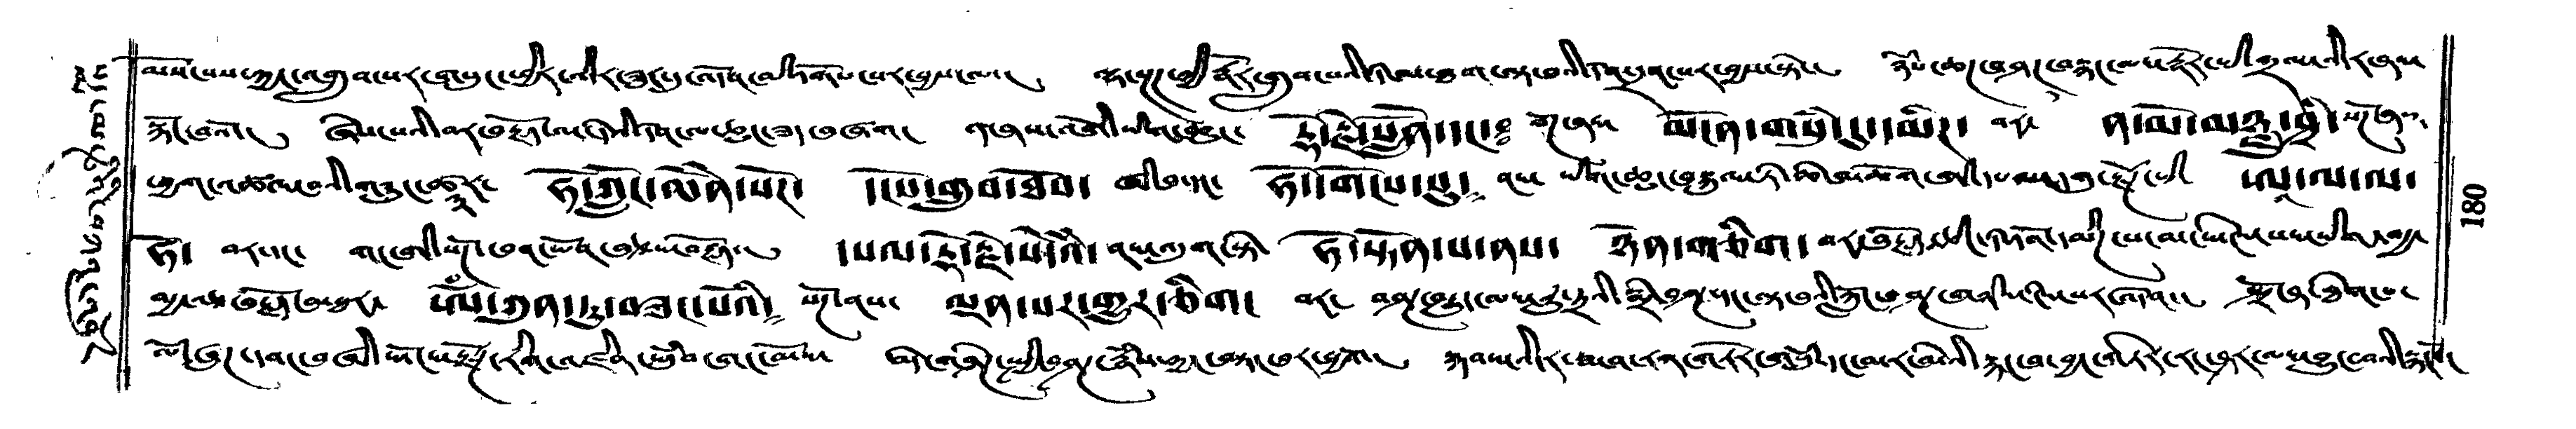མོས་པས་ཀྱང་འགྲུབ་པར་གསུངས་ཕྱིར་འདིར་ཟུར་དུ་འདོན་མི་དགོས་པར་བྱས་ལ། ལྷ་སྔགས་ཀྱི་རྣལ་འབྱོར་གྲུབ་པའི་དེ་མ་ཐག་ལྟ་བའི་དོན་དྲན་པར་བྱས་ཏེ། ཉམས་ཆག་བཤགས་སྐོང་ལ་རྣལ་འབྱོར་པའི་གྲལ་འདིར༴ ནས། 
སྐོང་བའོ། ཞེས་པའི་བར་བརྗོད་ལ་དེའི་དོན་ལ་ཅུང་ཟད་བཞག དེ་ནས་འོག་གི་ཡིག་ཆུང་། རྡོ་རྗེ་སློབ་དཔོན་དང༴ སོགས་ནས། མངོན་སུམ་དུ་དམིགས། བར། ན་མོ་མཉྫུ་ཤྲཱྀ༴ སོགས་ནས། 
ཕྱག་འཚལ་བའི་གཟུངས་ཚར་གསུམ། ཧོ༔ ཀློང་ཆེན་པོ༴ སོགས། དངོས་གྲུབ་ཐོབ༔ ཞི་བ་དང་། ཧོ༔ དགོངས་སུ༴ ནས། ཡིག་ཆུང་བསྐུལ་སྟེ་ཆེ་མཆོག་གི་དཔལ་དགུ་རྫོགས་པའི། ཨ་ལ་ལ་
ཧོ༔ བར་དང་། གང་གི༴ སོགས་ཕན་ཡོན་བཅས་བརྗོད། དཔལ་རྡོ་རྗེ་སེམས་དཔའ༴ ནས་འདུག་སྟེ། ཧོ༔ སྟོན་པ༴ ནས། ཉོན་གཅིག བར་བརྗོད་ཅིང་དོན་དམིགས་པ་མ་ཡེངས་པར་ཡིག་བརྒྱ་
བརྒྱ་རྩ་བརྗོད་མཐར ། ཨོཾ༔ ཀུན་ཏུ་བཟང་པོའི༴ སོགས་ནས། ལྡན་པར་གྱུར་ཅིག བར། བཤགས་རྒྱུད་ལས་རུ་ཏྲའི་སྨྲེ་བཤགས་དང་ལྟ་བའི་ཀློང་བཤགས་གཉིས་ངེས་པར་འདོན། སྤྲོ་ན་ཐེག་པ་
ལམ་ཞུགས་དབང་བཞི་ཡོངས་རྫོགས་རིག་འཛིན་ཡབ་ཡུམ་གང་མོས། བདེ་གཤེགས་སྤྱི་བཤགས་རྣམས་ཀྱང་གཏོང་བར་བྱའོ། སྐབས་འདིར་སྨན་རཀ་གཏོར་གསུམ་དང་མར་མེའི་སྐོང་བ་བྱང་གཏེར་རང་ཤར་ལས་བྱུང་བའི་སྐོང་བ་